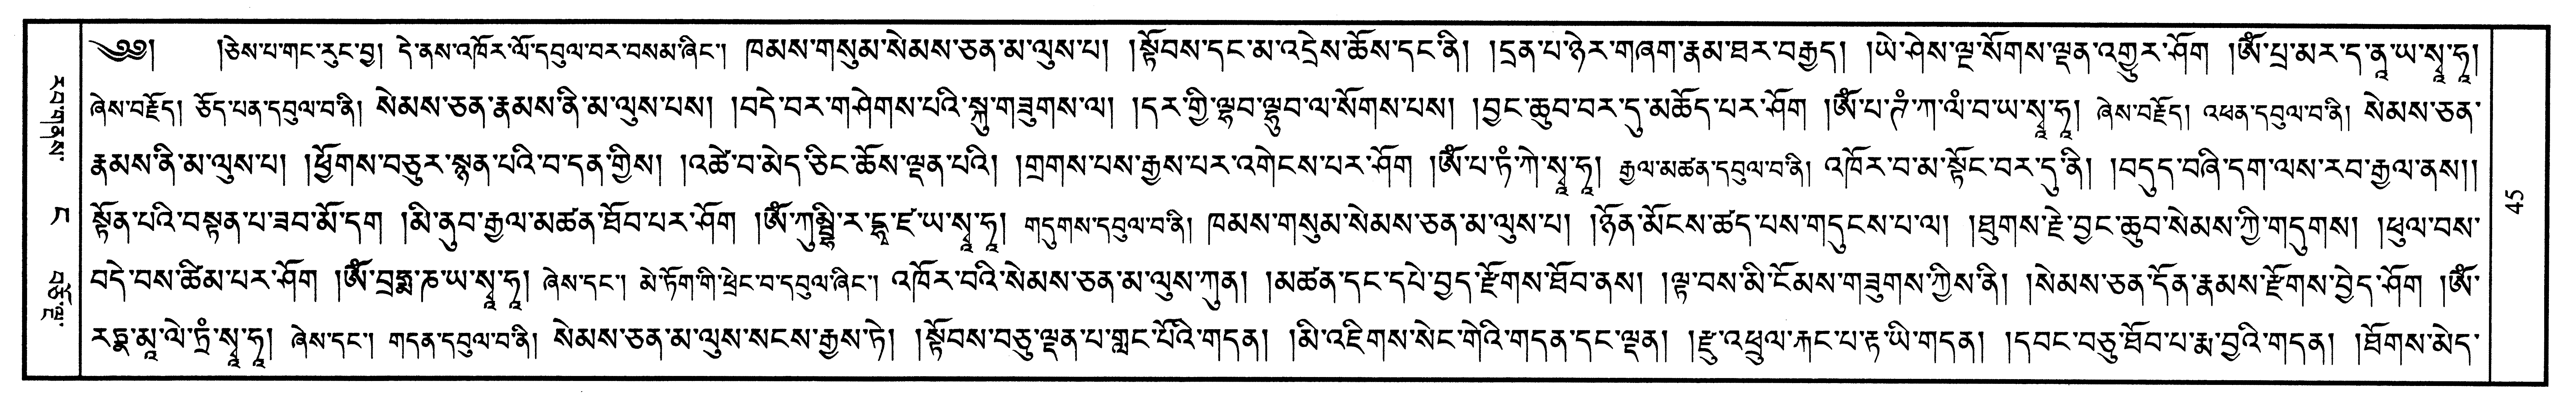༄༅། །ཅེས་པ་གང་རུང་བྱ། དེ་ནས་འཁོར་ལོ་དབུལ་བར་བསམ་ཞིང་། ཁམས་གསུམ་སེམས་ཅན་མ་ལུས་པ། །སྟོབས་དང་མ་འདྲེས་ཆོས་དང་ནི། །དྲན་པ་ཉེར་གཞག་རྣམ་ཐར་བརྒྱད། །ཡེ་ཤེས་ལྔ་སོགས་ལྡན་འགྱུར་ཤོག །ཨོཾ་པྲ་མར་ད་ནཱ་ཡ་སྭཱ་ཧཱ།
ཞེས་བརྗོད། ཅོད་པན་དབུལ་བ་ནི། སེམས་ཅན་རྣམས་ནི་མ་ལུས་པས། །བདེ་བར་གཤེགས་པའི་སྐུ་གཟུགས་ལ། །དར་གྱི་ལྷབ་ལྷུབ་ལ་སོགས་པས། །བྱང་ཆུབ་བར་དུ་མཆོད་པར་ཤོག །ཨོཾ་པ་ཊཾ་ཀ་ལཾ་བ་ཡ་སྭཱ་ཧཱ། ཞེས་བརྗོད། འཕན་དབུལ་བ་ནི། སེམས་ཅན་
རྣམས་ནི་མ་ལུས་པ། །ཕྱོགས་བཅུར་སྙན་པའི་བ་དན་གྱིས། །འཚེ་བ་མེད་ཅིང་ཆོས་ལྡན་པའི། །གྲགས་པས་རྒྱས་པར་འགེངས་པར་ཤོག །ཨོཾ་པ་ཏཾ་ཀེ་སྭཱ་ཧཱ། རྒྱལ་མཚན་དབུལ་བ་ནི། འཁོར་བ་མ་སྟོང་བར་དུ་ནི། །བདུད་བཞི་དག་ལས་རབ་རྒྱལ་ནས།།
སྟོན་པའི་བསྟན་པ་ཟབ་མོ་དག །མི་ནུབ་རྒྱལ་མཚན་ཐོབ་པར་ཤོག །ཨོཾ་ཀུམྦྷི་ར་དྷྭ་ཛ་ཡ་སྭཱ་ཧཱ། གདུགས་དབུལ་བ་ནི། ཁམས་གསུམ་སེམས་ཅན་མ་ལུས་པ། །ཉོན་མོངས་ཚད་པས་གདུངས་པ་ལ། །ཐུགས་རྗེ་བྱང་ཆུབ་སེམས་ཀྱི་གདུགས། །ཕུལ་བས་
བདེ་བས་ཚིམ་པར་ཤོག །ཨོཾ་བྲཧྨ་ཎ་ཡ་སྭཱ་ཧཱ། ཞེས་དང་། མེ་ཏོག་གི་ཕྲེང་བ་དབུལ་ཞིང་། འཁོར་བའི་སེམས་ཅན་མ་ལུས་ཀུན། །མཚན་དང་དཔེ་བྱད་རྫོགས་ཐོབ་ནས། །ལྟ་བས་མི་ངོམས་གཟུགས་ཀྱིས་ནི། །སེམས་ཅན་དོན་རྣམས་རྫོགས་བྱེད་ཤོག །ཨོཾ་
རཏྣ་མཱ་ལེ་ཏྲཾ་སྭཱ་ཧཱ། ཞེས་དང་། གདན་དབུལ་བ་ནི། སེམས་ཅན་མ་ལུས་སངས་རྒྱས་ཏེ། །སྟོབས་བཅུ་ལྡན་པ་གླང་པོའི་གདན། །མི་འཇིགས་སེང་གེའི་གདན་དང་ལྡན། །རྫུ་འཕྲུལ་རྐང་པ་རྟ་ཡི་གདན། །དབང་བཅུ་ཐོབ་པ་རྨ་བྱའི་གདན། །ཐོགས་མེད་